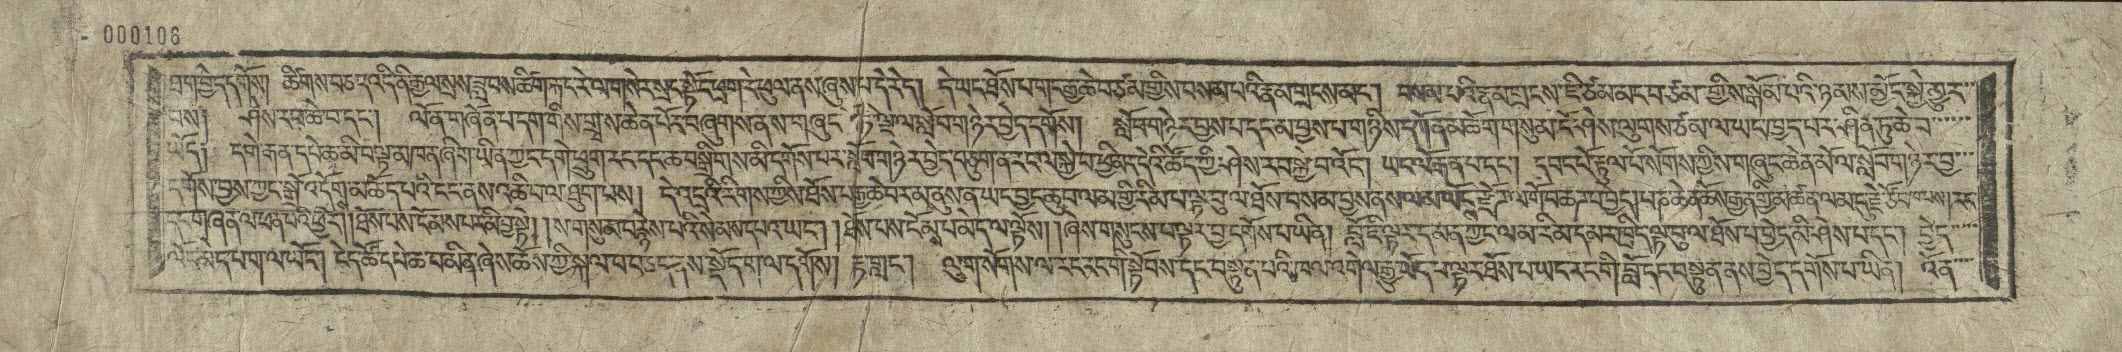ཐག་བྱེད་དགོས། ཚིགས་བཅད་འདི་ནི་རྒྱལ་སྲས་ཟླ་བས་ཚིག་རྐང་རེ་ལ་གསེར་སྲང་སྟོང་ཕྲག་རེ་ཕུལ་ནས་ཞུས་པ་དེ་རེད། དེ་ཡང་ཐོས་པ་གང་རྒྱ་ཆེ་བ་ཙམ་གྱིས་བསམ་པའི་རྣམ་གྲངས་མང་། བསམ་པའི་རྣམ་གྲངས་ཇི་ཙམ་མང་བ་ཙམ་གྱིས་སྒོམ་པའི་ཉམས་མྱོང་སྐྱེ་མྱུར་
བས༑ ཤེས་རབ་ཆེ་བ་དང་། ལོ་ན་གཞོན་པ་དག་གིས་གྲྭ་ས་ཆེན་པོར་བཞུགས་ནས་གཞུང་པོ་ཏི་ལྔ་ལ་སློབ་གཉེར་བྱེད་དགོས། སློབ་གཉེར་བྱས་པ་དང་མ་བྱས་པ་གཉིས་དཀོན་མཆོག་གསུམ་ངོ་ཤེས་ལུགས་ཙམ་ལ་ཡང་ཁྱད་པར་ཤིན་ཏུ་ཆེ་བ་
ཡོད༑ དགེ་རྒན་དཔེ་ཆ་མི་བལྟ་མཁན་ཞིག་ཡིན་ཀྱང་དགེ་ཕྲུག་རང་དང་ཆ་བསྒྲིགས་མི་དགོས་པར་སློབ་གཉེར་བྱེད་བཅུག་ན་རང་ལ་སྐྱེ་བ་ཕྱི་མར་དེའི་ཚོད་ཀྱི་ཤེས་རབ་སྐྱེ་བའོང་། ཡང་ལོ་རྒན་པ་དང་། དབང་པོ་རྟུལ་པོ་སོགས་ཀྱིས་གཞུང་ཆེན་མོ་ལ་སློབ་གཉེར་བྱ་
དགོས་བྱས་ཀྱང་སྒྲོ་འདོགས་མ་ཆོད་པའི་ངང་ནས་འཆི་བ་ལ་ཐུག་པས། དེ་འདྲའི་རིགས་ཀྱིས་ཐོས་པ་རྒྱ་ཆེ་བར་མ་ནུས་ན་ཡང་བྱང་ཆུབ་ལམ་གྱི་རིམ་པ་ལྟ་བུ་ལ་ཐོས་བསམ་བྱས་ནས་ལམ་ཡོངས་རྫོགས་ལ་གོ་བ་ཆགས་པ་བྱེད། པཎ་ཆེན་ཆོས་རྒྱན་གྱི་མཚན་ལམ་དུ་རྗེ་ཙོང་ཁ་པས། རང་
དང་གཞན་ལ་ཕན་པའི་ཕྱིར། །ཐོས་པས་ངོམས་པར་མི་བྱ་སྟེ། །ས་གསུམ་བརྙེས་པའི་སེམས་དཔའ་ཡང་། །ཐོས་པས་ངོམས་པ་མེད་ལ་ལྟོས། །ཞེས་གསུངས་པ་ལྟར་བྱ་དགོས་པ་ཡིན། བློ་ཇི་ལྟར་དམན་ཀྱང་ལམ་རིམ་དམར་ཁྲིད་ལྟ་བུ་ལ་ཐོས་པ་བྱེད་མི་ཤེས་པ་དང་། བྱེད་
ལོང་མེད་པ་ག་ལ་ཡོང་། ངེད་ཚོ་དཔེ་ཆ་བ་མིན་ཞེས་ཆོས་ཀྱི་སྐལ་པ་བཅད་ནས་སྡོད་ག་ལ་དགོས། རྟ་གླང་། ལུག་སོགས་པ་ལ་རང་རང་གི་སྟོབས་དང་བསྟུན་པའི་ཁལ་འགེལ་རྒྱུ་ཡོད་པ་ལྟར་ཐོས་པ་ཡང་རང་གི་བློ་དང་བསྟུན་ནས་བྱེད་དགོས་པ་ཡིན། འོན་